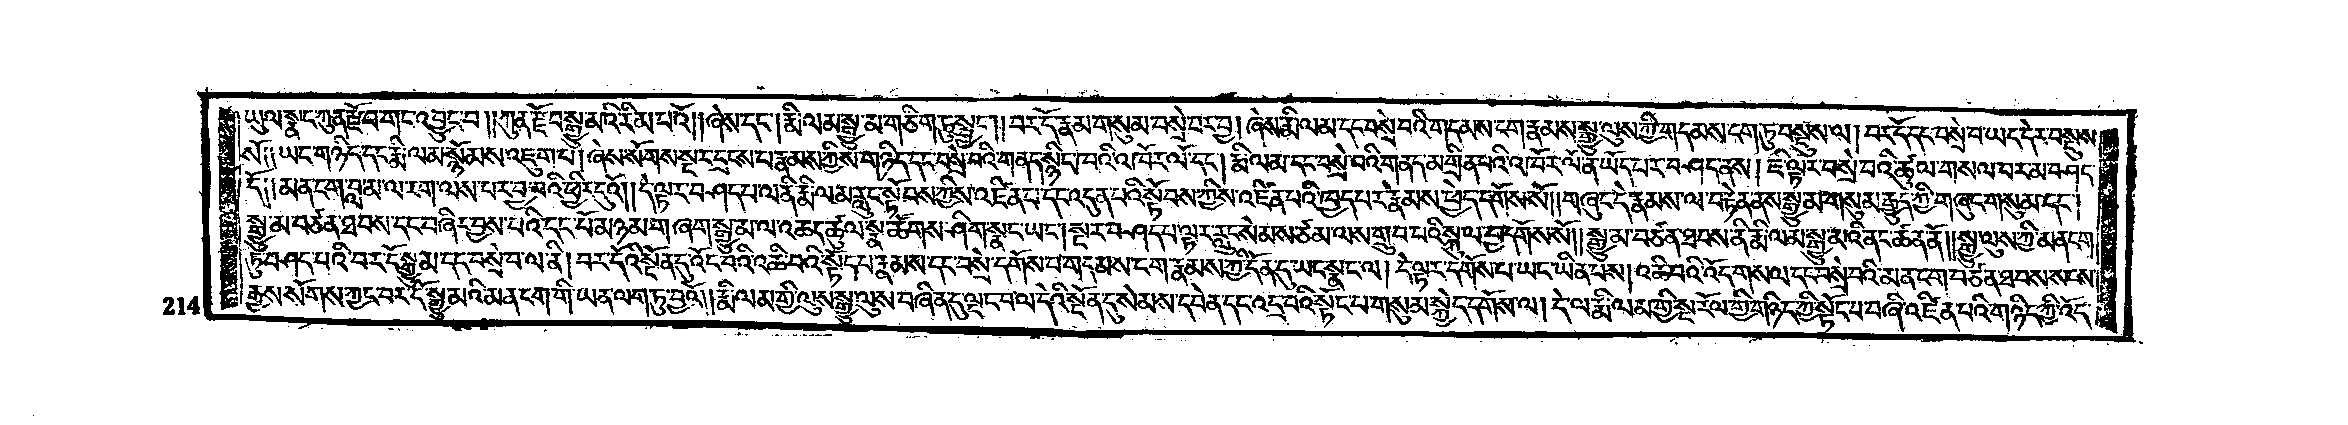ཡུལ་སྣང་ཀུན་རྫོབ་གང་འབྱུང་བ། །ཀུན་རྫོབ་སྒྱུ་མའི་རིམ་པའོ། །ཞེས་དང་། རྨི་ལམ་སྒྱུ་མ་གཅིག་ཏུ་སྦྱང་། །བར་དོ་རྣམ་གསུམ་བསྲེ་བར་བྱ། ཞེས་རྨི་ལམ་དང་བསྲེ་བའི་གདམས་ངག་རྣམས་སྒྱུ་ལུས་ཀྱི་གདམས་ངག་ཏུ་བསྡུས་ལ། བར་དོ་དང་བསྲེ་བ་ཡང་དེར་བསྡུས་
སོ། །ཡང་གཉིད་དང་རྨི་ལམ་སྙོམས་འཇུག་པ། ཞེས་སོགས་སྔར་དྲངས་པ་རྣམས་ཀྱིས་གཉིད་དང་བསྲེ་བའི་གནད་སྙིང་ཁའི་འཁོར་ལོ་དང་། རྨི་ལམ་དང་བསྲེ་བའི་གནད་མགྲིན་པའི་འཁོར་ལོ་ན་ཡོད་པར་བཤད་ནས། ཇི་ལྟར་བསྲེ་བའི་ཚུལ་གསལ་བར་མ་བཤད་
དོ། །མན་ངག་བླ་མ་ལ་རག་ལས་པར་བྱ་བའི་ཕྱིར་དུའོ། །དེ་ལྟར་བཤད་པ་ལ་ནི་རྨི་ལམ་རླུང་སྟོབས་ཀྱིས་འཛིན་པ་དང་འདུན་པའི་སྟོབས་ཀྱིས་འཛིན་པའི་ཁྱད་པར་རྣམས་ཕྱེད་དགོས་སོ། །གཞུང་དེ་རྣམས་ལ་བརྟེན་ནས་སྒྱུ་མ་གསུམ་རྒྱུད་ཀྱི་གཞུང་གསུམ་དང་།
སྒྱུ་མ་བཙན་ཐབས་དང་བཞིར་བྱས་པའི་དང་པོ་མཉམ་གཞག་སྒྱུ་མ་ལ་འཆད་ཚུལ་སྣ་ཚོགས་ཤིག་སྣང་ཡང་། སྔར་བཤད་པ་ལྟར་རླུང་སེམས་ཙམ་ལས་གྲུབ་པའི་སྐུ་ལ་བྱ་དགོས་སོ། །སྒྱུ་མ་བཙན་ཐབས་ནི་རྨི་ལམ་སྒྱུ་མའི་ནང་ཚན་ནོ། །སྒྱུ་ལུས་ཀྱི་མན་ངག་
ཏུ་བཤད་པའི་བར་དོ་སྒྱུ་མ་དང་བསྲེ་བ་ལ་ནི། བར་དོའི་སྔོན་དུ་འོང་བའི་འཆི་བའི་སྟོང་པ་རྣམས་དང་བསྲེ་དགོས་པ་གདམས་ངག་རྣམས་ཀྱི་དོན་དུ་ཡང་སྣང་ལ། དེ་ལྟར་དགོས་པ་ཡང་ཡིན་པས། འཆི་བའི་འོད་གསལ་དང་བསྲེ་བའི་མན་ངག་བཙན་ཐབས་སངས་
རྒྱས་སོགས་ཀྱང་བར་དོ་སྒྱུ་མའི་མན་ངག་གི་ཡན་ལག་ཏུ་བྱའོ། །རྨི་ལམ་གྱི་ལུས་སྒྱུ་ལུས་བཞིན་དུ་ལྡང་བ་ལ་དེའི་སྔོན་དུ་སེམས་དབེན་དང་འདྲ་བའི་སྟོང་པ་གསུམ་སྐྱེད་དགོས་ལ། དེ་ལ་རྨི་ལམ་གྱི་སྔ་རོལ་གྱི་གཉིད་ཀྱི་སྟོང་པ་བཞི་འཛིན་པའི་གཉིད་ཀྱི་འོད་